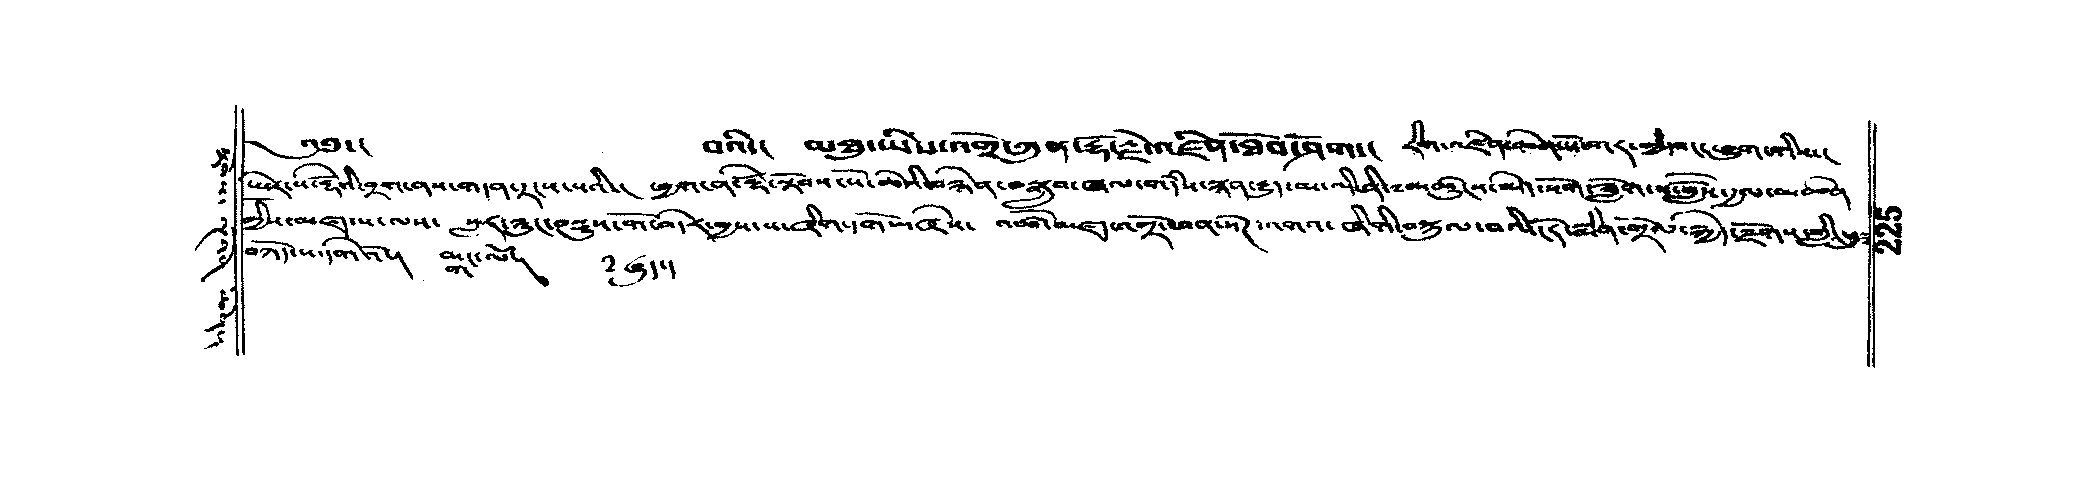བའི། མཐུ་ཡིས་འགྲོ་ཀུན་རྡོ་རྗེ་འཛིན་ཐོབ་ཤོག རིག་འཛིན་ཆེན་པོ་གར་གྱི་དབང་ཕྱུག་གིས། 
ཡེར་པ་རྡོ་རྗེའི་བྲག་ནས་གདན་དྲངས་པའི། ཕྱག་ན་རྡོ་རྗེ་སྟོབས་སོ་ཆེའི་བསྙེན་བསྒྲུབ་ཞལ་གདམས་སྙན་རྒྱུད་མ་འདི་ནི་མཚུངས་མེད་སོག་ཟློག་བ་བློགྲོས་རྒྱལ་མཚན་
གྱིས་མཛད་པ་ལས། སླར་ཉུང་བསྡུས་གོ་བདེ་བྱས་པ་ཞིག་དགོས་ཞེས།མཚོ་མཛད་འགྲོ་ཕན་སོགས་འགའ་ཞིག་གི་བསྐུལ་བའི་ངོར་སྨིན་གྲོལ་སྐྱེད་རྫོགས་གླིང་དུ་བ་
དཀོད་པ་དགེའོ། མངྒ་ལཾ།།